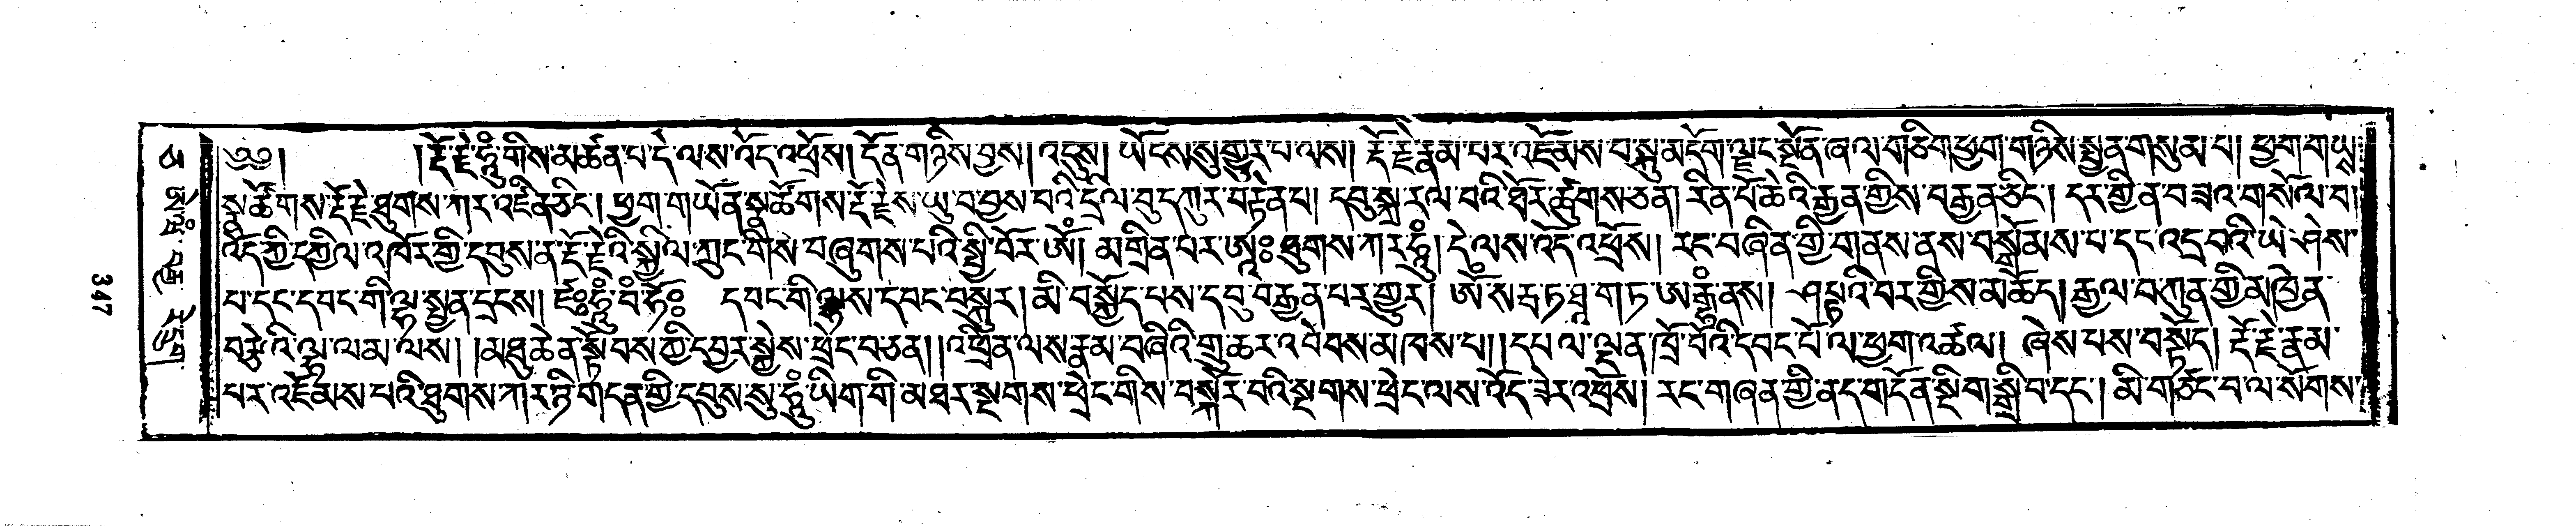༄༅། །རྡོ་རྗེ་ཧཱུཾ་གིས་མཚན་པ་དེ་ལས་འོད་འཕྲོས། དོན་གཉིས་བྱས། འདུས། ཡོངས་སུ་གྱུར་པ་ལས། རྡོ་རྗེ་རྣམ་པར་འཇོམས་པ་སྐུ་མདོག་ལྗང་སྔོན་ཞལ་གཅིག་ཕྱག་གཉིས་སྤྱན་གསུམ་པ། ཕྱག་གཡས་
སྣ་ཚོགས་རྡོ་རྗེ་ཐུགས་ཀར་འཛིན་ཅིང་། ཕྱག་གཡོན་སྣ་ཚོགས་རྡོ་རྗེས་ཡུ་བ་བྱས་པའི་དྲིལ་བུ་དཀུར་བརྟེན་པ། དབུ་སྐྲ་རལ་པའི་ཐོར་ཚུགས་ཅན། རིན་པོ་ཆེའི་རྒྱན་གྱིས་བརྒྱན་ཅིང་། དར་གྱི་ན་བཟའ་གསོལ་བ་
འོད་ཀྱི་དཀྱིལ་འཁོར་གྱི་དབུས་ན་རྡོ་རྗེའི་སྐྱིལ་ཀྲུང་གིས་བཞུགས་པའི་སྤྱི་བོར་ཨོཾ། མགྲིན་པར་ཨཱཿ ཐུགས་ཀར་ཧཱུཾ། དེ་ལས་འོད་འཕྲོས། རང་བཞིན་གྱི་གནས་ནས་བསྒོམས་པ་དང་འདྲ་བའི་ཡེ་ཤེས་
པ་དང་དབང་གི་ལྷ་སྤྱན་དྲངས། ཛཿ ཧཱུཾ་བཾ་ཧོཿ དབང་གི་ལྷས་དབང་བསྐུར། མི་བསྐྱོད་པས་དབུ་བརྒྱན་པར་གྱུར། ཨོཾ་སརྦ་ཏ་ཐཱ་ག་ཏ་ཨརྒྷཾ་ནས། ཤཔྟའི་བར་གྱིས་མཆོད། རྒྱལ་བ་ཀུན་གྱི་མཁྱེན་
བརྩེའི་ལྷ་ལམ་ལས། །མཐུ་ཆེན་སྟོབས་ཀྱི་དབྱར་སྐྱེས་ཕྲེང་བ་ཅན། །འཕྲིན་ལས་རྣམ་བཞིའི་གྲུ་ཆར་འབེབས་མཁས་པ། །དཔལ་ལྡན་ཁྲོ་བོའི་དབང་པོ་ལ་ཕྱག་འཚལ། ཞེས་པས་བསྟོད། རྡོ་རྗེ་རྣམ་
པར་འཇོམས་པའི་ཐུགས་ཀར་གྱི་གདན་གྱི་དབུས་སུ་ཧཱུཾ་ཡིག་གི་མཐར་སྔགས་ཕྲེང་གིས་བསྐོར་བའི་སྔགས་ཕྲེང་ལས་འོད་ཟེར་འཕྲོས། རང་གཞན་གྱི་ནད་གདོན་སྡིག་སྒྲིབ་དང་། མི་གཙང་བ་ལ་སོགས་